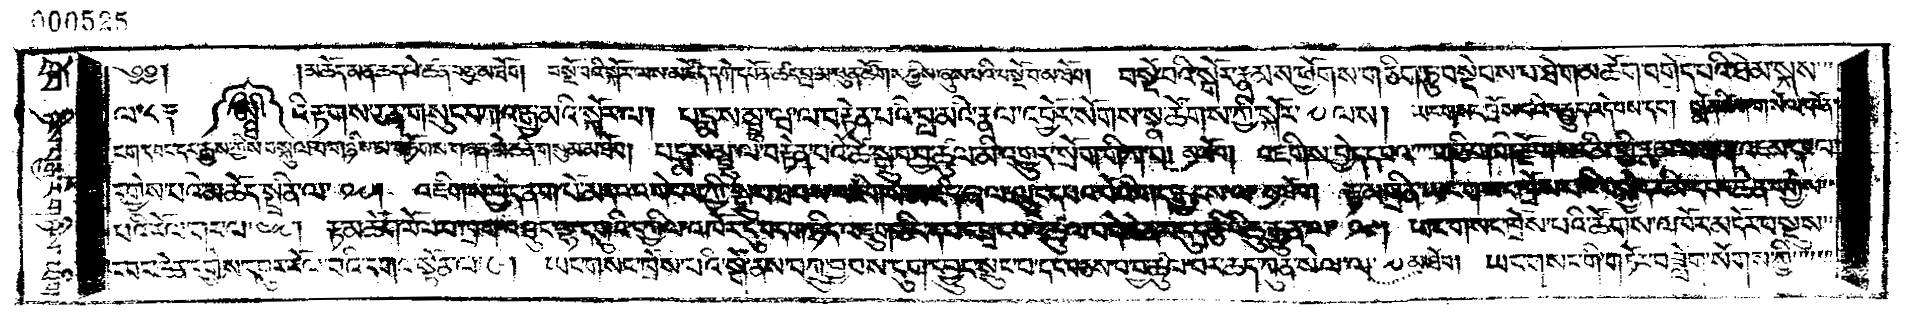༄༅། ། མཆོད་མན་ཆད་ལེ་ཚན་བཅོ་མ་ཐོབ། བསྔོ་བའི་སྐོར་ལས་མཛོད་དགེ་དཔོན་ཚང་བླ་མ་ཕུན་ཚོགས་ཀྱིས་ཞུས་པའི་བསྔོ་བ་མ་ཐོབ།  བསྔོ་བའི་སྒོར་རྣམས་ཕྱོགས་གཅིག་ཏུ་བསྡེབས་པ་ཐེག་མཆོག་བགོད་པའི་ཐེམ་སྐས་
ལ ༨༑ ?་འི་རྟགས་ཅན་གསུང་བཀའ་རྒྱ་མའི་སྐོར་ལ། པདམ་སམྦྷ་ཝ་ལ་བརྟེན་པའི་བླ་མའི་རྣལ་འབྱོར་སོགས་སྣ་ཚོགས་ཀྱི་སྐོར ༧་ལས། ཡང་གསང་བྲོས་པའི་བརྒྱུད་འདེབས་དང་། སྨོན་ཚིག་གསོལ་དཔོན་
ངག་དབང་དར་རྒྱས་ཀྱིས་བསྐུལ་བ་གཉིས་མ་གཏོགས་གཞན་ལེ་ཚན་གསུམ་མ་ཐོབ། པདམ་སམྦྷ་ལ་བརྟེན་པའི་ཚེ་སྒྲུབ་བྱ་ཚུལ་མི་འགྱུར་སྲོག་གི་ཀ་པ་མ་ཐོབ།  འཇིགས་བྱེད་དཔའ་གཅིག་གི་རྫོགས་རིམ་གྱི་རྣམ་བཞག་འཇམ་དཔལ་
དགྱེས་པའི་མཆོད་སྤྲིན་ལ ༡༧། འཇིགས་བྱེད་ནག་པོ་མདའ་འགེངས་ཀྱི་སྒྲུབ་ཐབས་འཇིགས་མཛད་ཞལ་ལུང་དཔའ་བོའི་གད་རྒྱངས་ལ་མ་ཐོབ།  རྟ་མགྲིན་ཡང་གསང་ཁྲོས་པའི་བསྐྱེད་རིམ་དབང་ཆེན་དགྱེས་
པའི་རོལ་གར་ལ ༤༧། རྟ་མཆོག་རོལ་བ་ཁྲག་འཐུང་ལྷ་དགུའི་དཀྱིལ་འཁོར་དུ་བདག་ཉིད་འཇུག་ཅིང་དབང་བླང་བའི་ཚུལ་བདེ་ཆེན་བདུད་རྩིའི་ཆུ་རྒྱུན་ལ ༡༧། ཡང་གསང་ཁྲོས་པའི་ཚོགས་འཁོར་མདོར་བསྡུས་
དབང་ཆེན་དགྱེས་དགུར་རོལ་བའི་དགའ་སྟོན་ལ ༦། ཡང་གསང་ཁྲོས་པའི་སྒོ་ནས་བཀྲུ་བྱ་བས་དུག་དབྱུང་སྲུང་བ་དང་བཅས་པ་བྱ་ཚུལ་བར་ཆད་ཀུན་སེལ་ལ་མ་ཐོབ།  ཡང་གསང་གི་གཏོར་བཟློག་སོགས་ཀྱི་